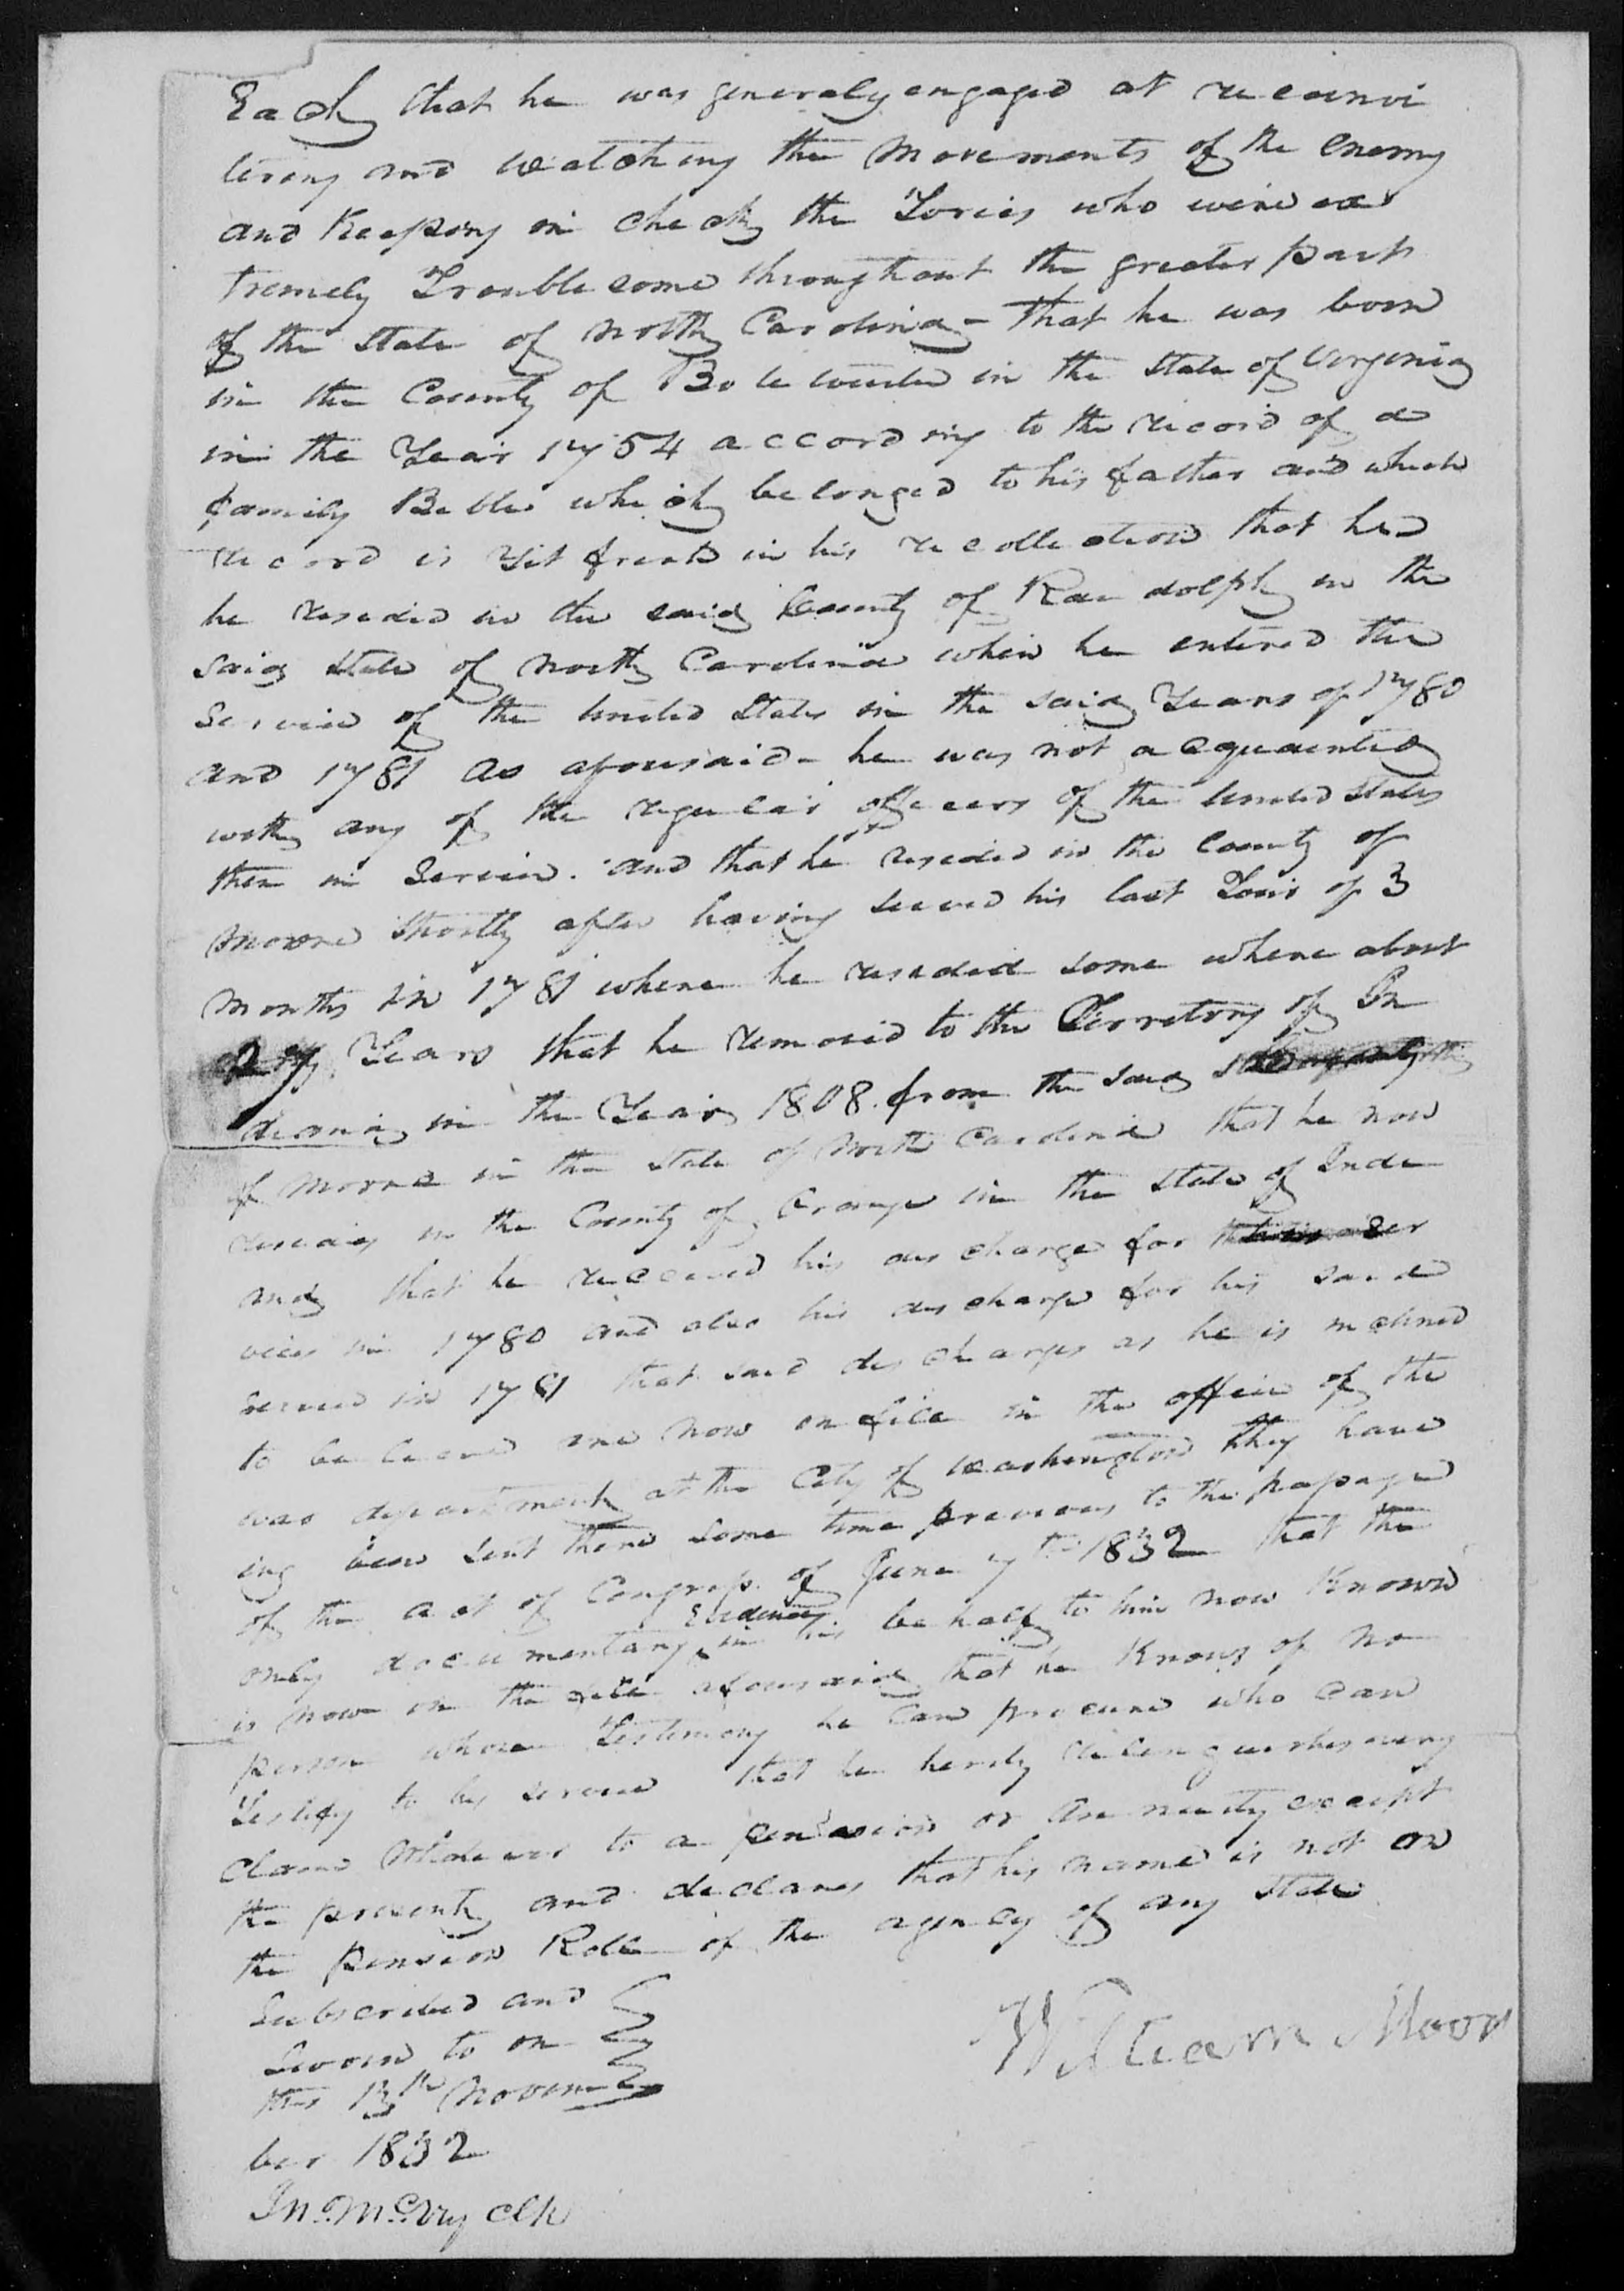and was discharged that he was in no general engagement during the term of service.  
That he again entered the service of the United States as a militia man some time in the fall of 
1781 and previous to the capture of Lord Cornwallis at Yorktown in Virginia under the 
Command of the aforesaid Capt. Charles Gholson who commanded a company of militia taken out of the Counties of Randolph, Chatham and Moore in the State of North Carolina that he left the service of the United States sometime in the early part of the winter in the year 1781 that he was employed in no general engagement during his services either under the first and last Tours he having served the Time of 3 months each that he was generally engaged at reconnoitering and 
watching the movements of the enemy and keeping in check the Tories who were extremely troublesome throughout the greater part of the State of North Carolina -- That he was born in the County of Botetourt in the State of Virginia in the year 1754 according to the record of a family Bible which belonged to his father in which record is yet fresh in his recollection that he resided in the said County of Randolph in the said State of North Carolina when he entered the service of the United States in the said years of 1780 and 1781 as aforesaid -- he was not acquainted with 
any of the regular officers of the United States then in service.  And that he resided in the County of Moore shortly after having served his last tour of 3 months in 1781 where he resided somewhere about 27 years that he removed to the Territory of Indiana in the year 1808 from the said County of Moore in the State of North Carolina that he now resides in the County of Orange in the State of Indiana that he received his discharge for his service in 1780 and also his discharge for his said service in 1781 that said discharges as he is inclined to believe are now on file in the office of the war department at the City of Washington they having been sent there some time previous to the passage of the Act of Congress of June 7th 1832, that the only documentary evidence in his behalf to him now known is now in the state aforesaid, that he knows of no person whose testimony he can procure who can testify to his service that he hereby 
relinquishes every claim whatever to a pension or an annuity except the present and declares that his name is not on the pension roll of the agency of any State. 
                        William Moor
Subscribed and sworn to on the 30th of November 1832 
Jno. McVey, Clk 
S/ William Moor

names: William Moor; Jno Mc Vey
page: 5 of 16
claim: survivor's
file: S. 17,592, for William Moore, North Carolina